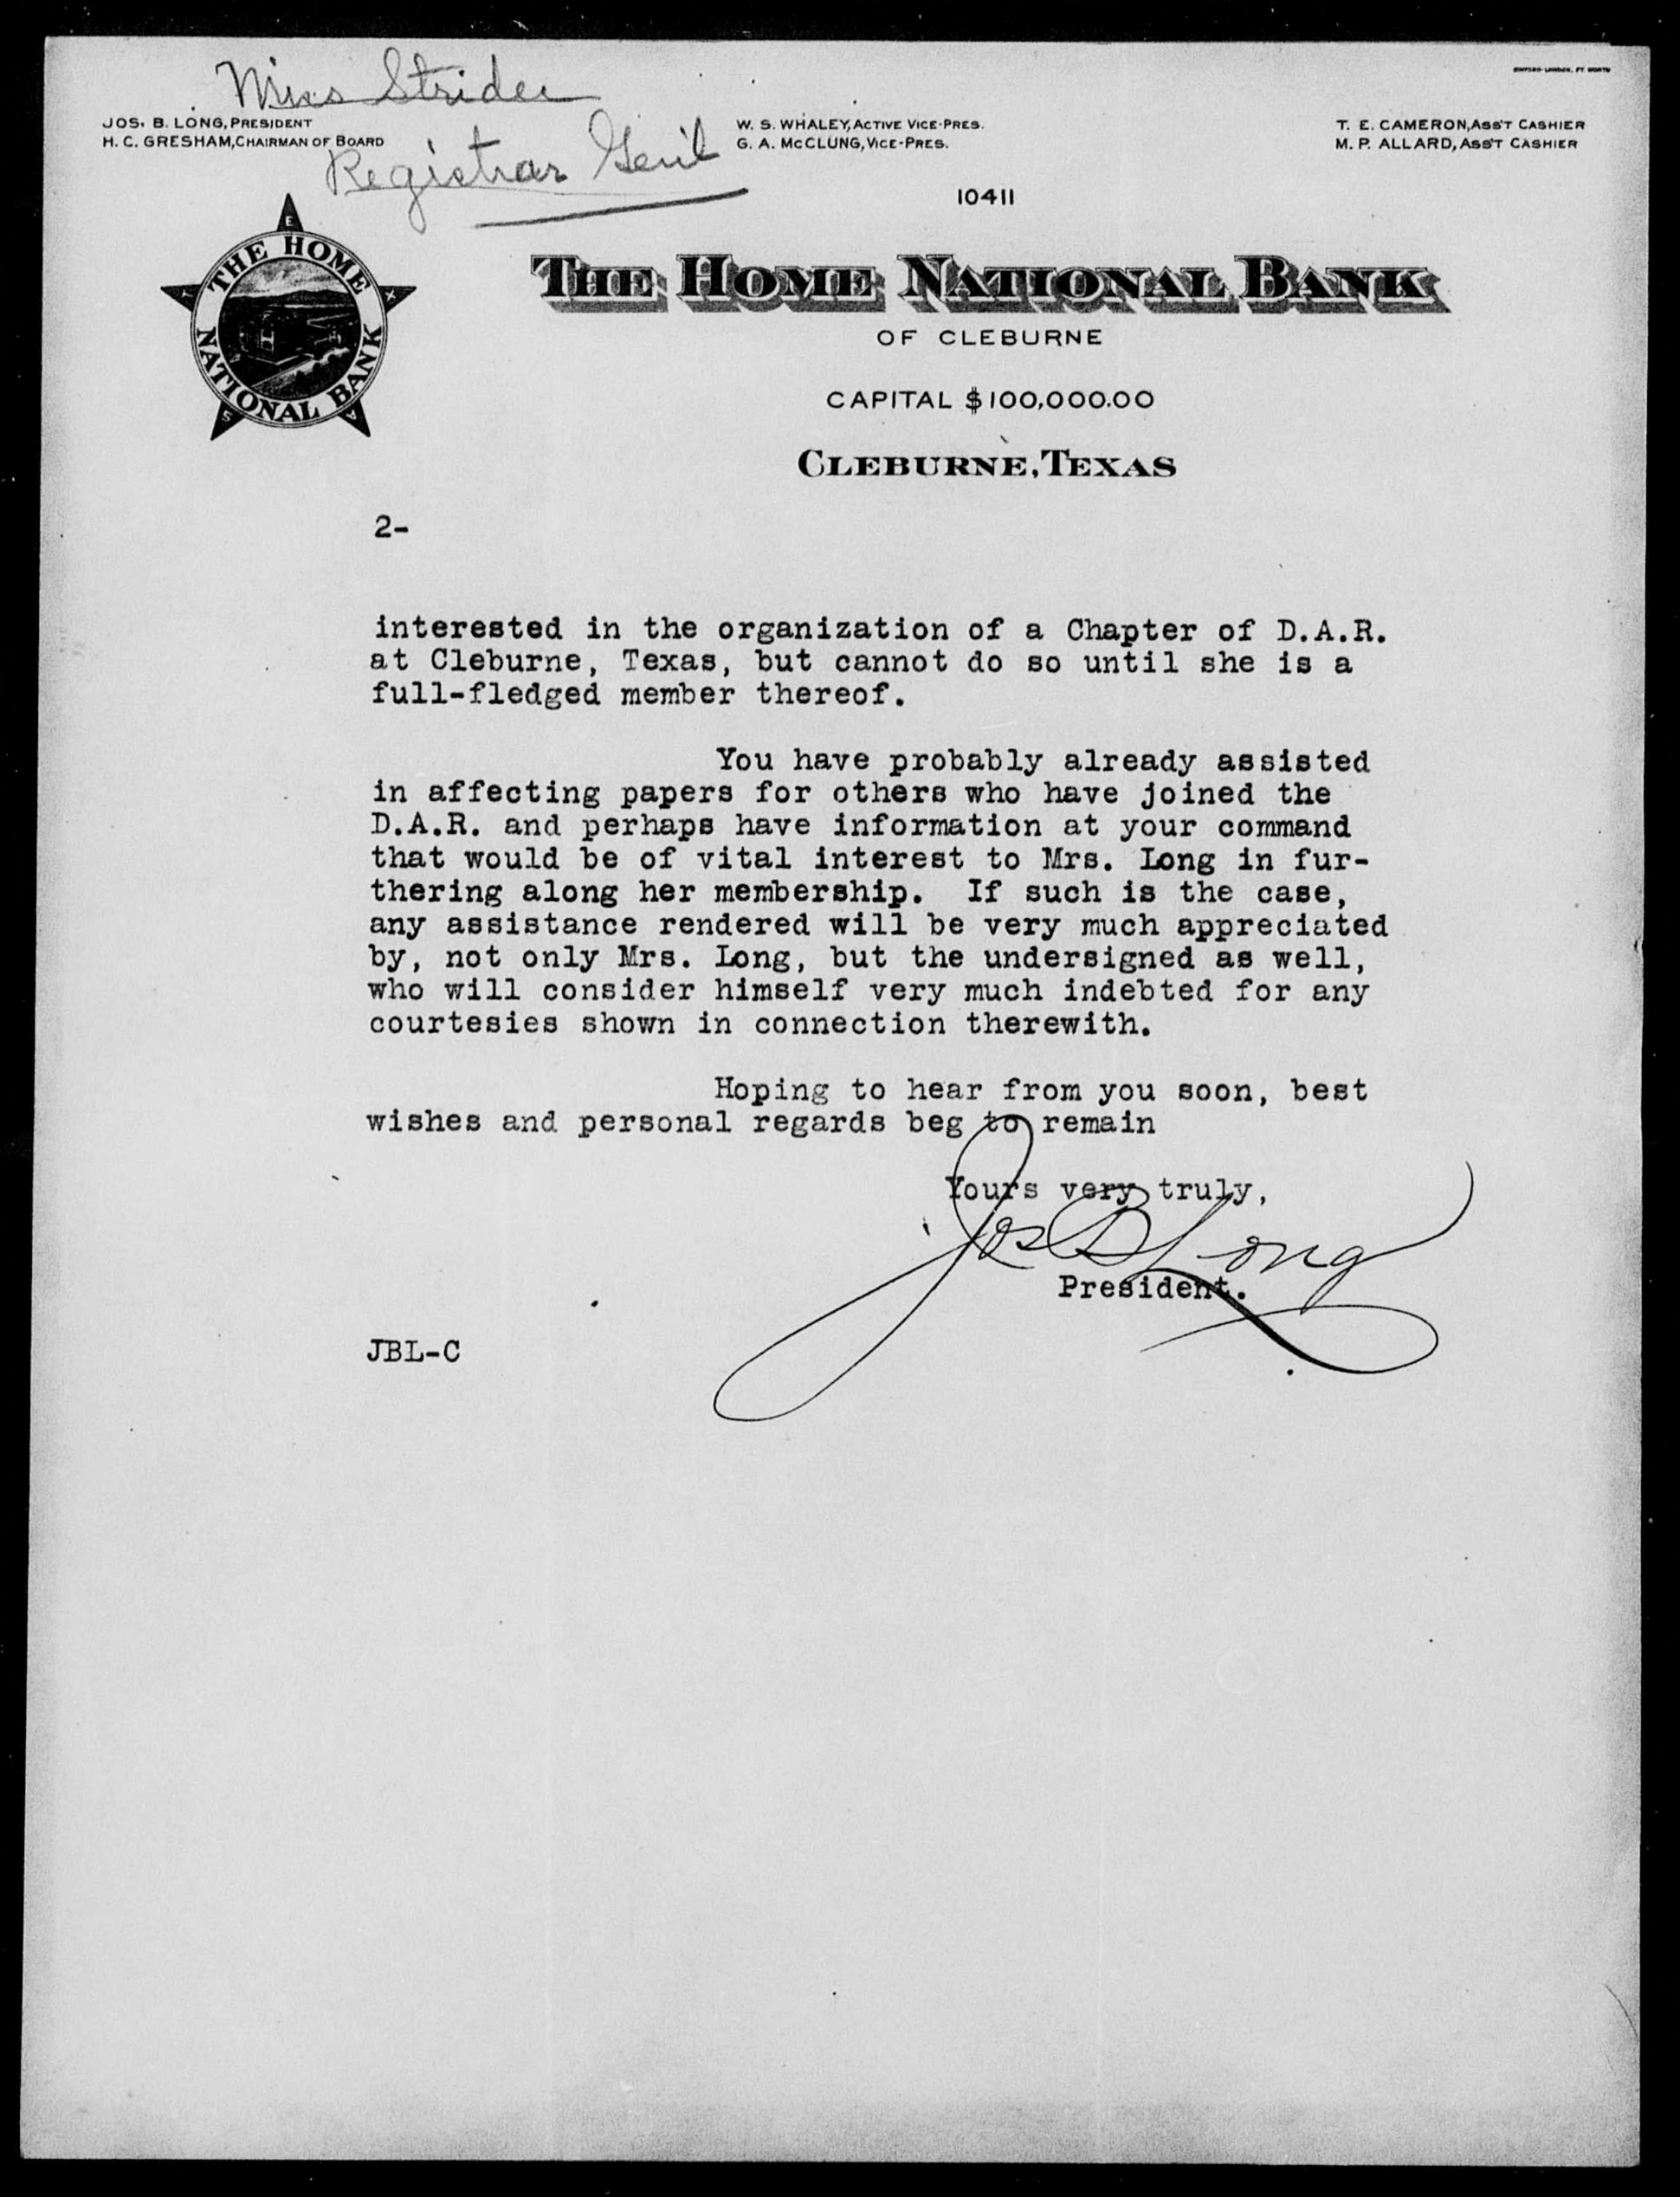Miss Strider Registrar Gen
[letterhead]
THE HOME NATIONAL BANK
OF CLEBURNE CAPITAL $100,000.00
CLEBURNE, TEXAS

2-
interested in the organization of a Chapter of D. A. R. at Cleburne, Texas, but cannot do so until she is a
full-fledged member thereof.

You have probably already assisted
in affecting papers for others who have joined the D. A. R. and perhaps have information at your command
that would be of vital interest to Mrs. Long in furthering along her membership. If such is the case,
any assistance rendered will be very much appreciated by, not only Mrs. Long, but the undersigned as well,
who will consider himself very much indebted for any courtesies shown in connection therewith.

Hoping to hear from you soon, best
wishes and personal regards beg to remain

Yours  very truly,
Jos B Long
President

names: G A Mc Clung, M P Allard, T E Cameron, Jos B Long, Strider, Long, Jos B Long, H C Gresham, W S Whaley, Long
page: 54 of 85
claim: widow's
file: W. 5,906, John Brown, S.C.